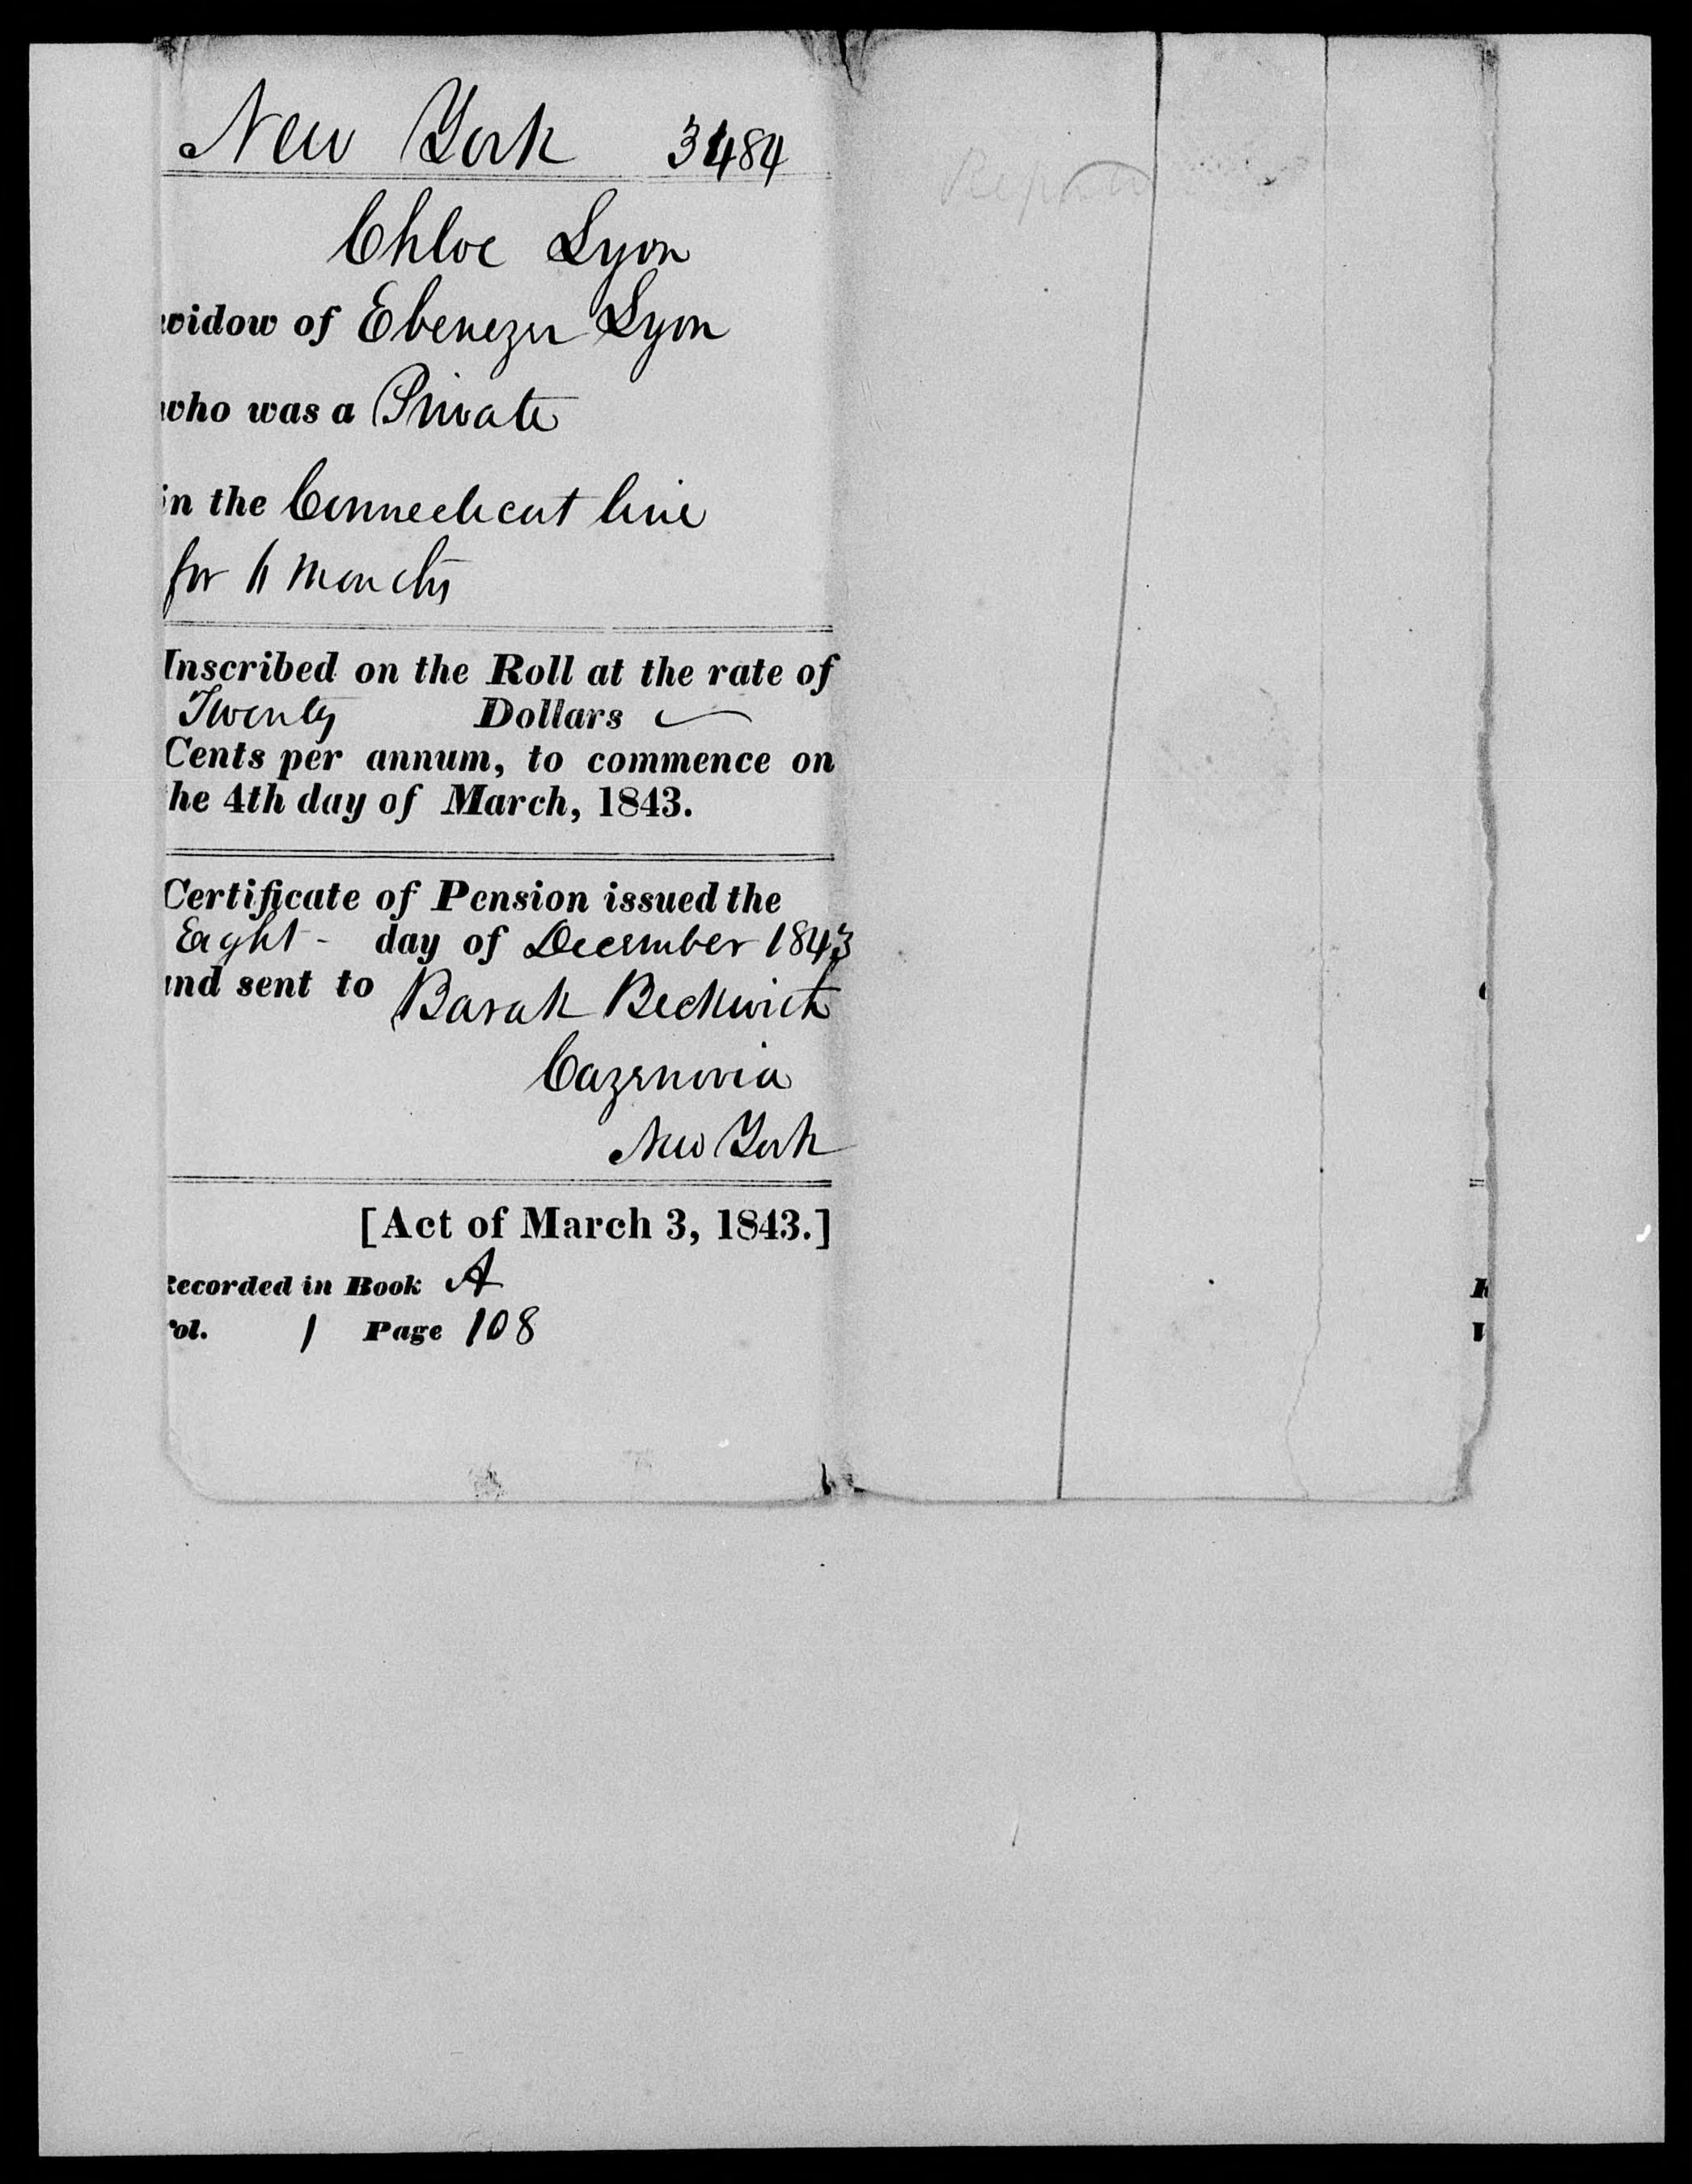New York 3484
Chloe Lyon widow of Ebenezer Lyon who was a Private in the Connecticut line for 6 Months

Inscribed on the Roll at the rate of Twenty Dollars - Cents per annum, to commence on the 4th day of March, 1843.

Certificate of Pension issued the Eight day of December 1843 and sent to Barak Beckwith Cazenovia New York
[Act of March 3, 1843.]
Recorded in Book A Vol. 1 Page 108
Reportd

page: 33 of 40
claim: widow's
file: W. 24,615, for Ebenezer Lyon, Connecticut